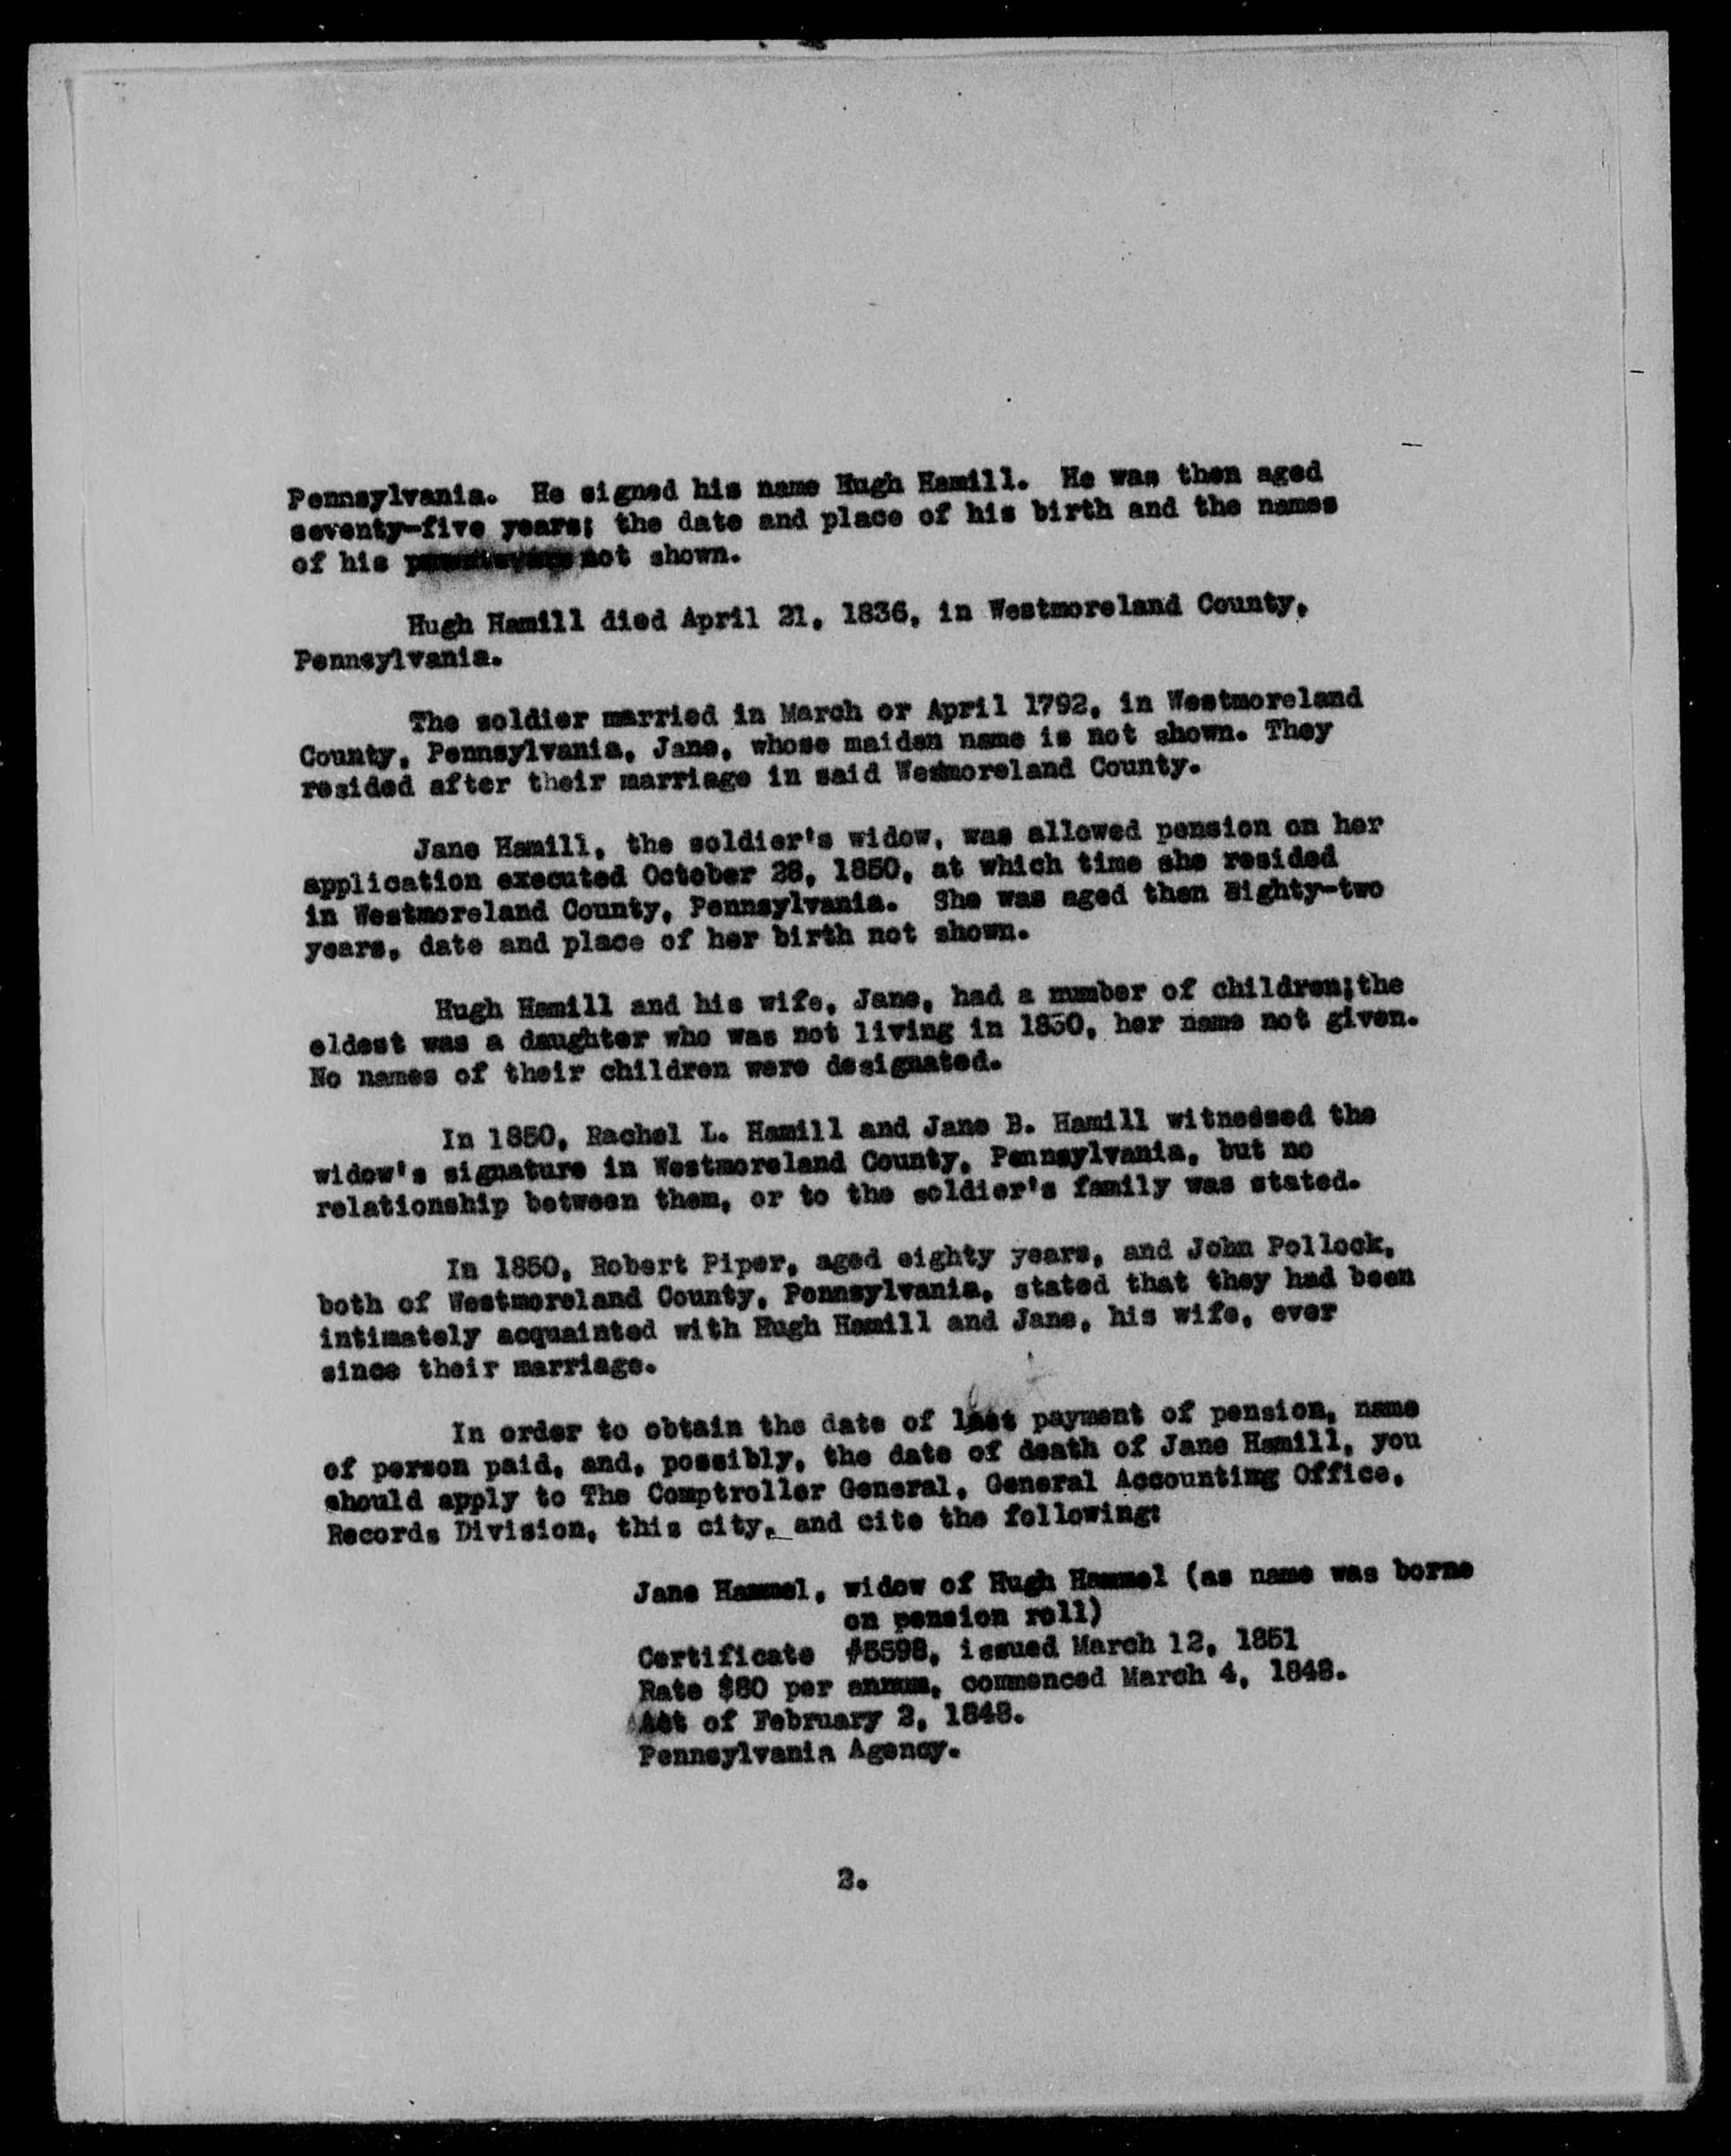Pennsylvania.  He signed his name Hugh Hamill.  He was then aged seventy-five years; the date and place of his birth and the names of his parents are not shown.

Hugh Hamill died April 21, 1836, in Westmoreland County, Pennsylvania.

The soldier married in March or April 1792, in Westmoreland County, Pennsylvania, Jane, whose maiden name is not shown.  They resided after their marriage in said Westmoreland County.

Jane Hamill, the soldier's widow, was allowed pension on her application executed October 28, 1850, at which time she resided in Westmoreland County, Pennsylvania.  She was aged then eighty-two years; date and place of her birth not shown.

Hugh Hamill and his wife, Jane, had a number of children; the oldest was a daughter who was not living in 1850, her name not given.  No names of their children were designated.

In 1850, Rachel L. Hamill and Jane B. Hamill witnessed the widow's signature in Westmoreland County, Pennsylvania, but no relationship between then, or to the soldier's family was stated.

In 1850, Robert Piper, aged eighty years, and John Pollock, both of Westmoreland County, Pennsylvania, stated that they had been intimately acquainted with Hugh Hamill and Jane, his wife, ever since their marriage.

In order to obtain the date of last payment of pension, name of person paid, and possibly, the date of death of Jane Hamill, you should apply to The Comptroller General, General Accounting Office, Records Division, this city, and cite the following:

Jane Hammel, widow of Hugh Hammel (as name was borne on pension roll)
Certificate #5598, issued March 12, 1851
Rate $80 per annum, commenced March 4, 1848
Act of February 3, 1848
Pennsylvania Agency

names: Rachel L Hamill, Hugh Hamill, Jane Hamill, Hugh Hamill, Jane Hamill, Hugh Hammel, Hugh Hamill, Robert Piper, Hugh Hamill, Jane Hamill, Jane Hamill, Jane Hammel, Jane B Hamill, John Pollock, Jane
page: 50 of 92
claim: widow's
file: W 1173, Robert Hamill, Penn.